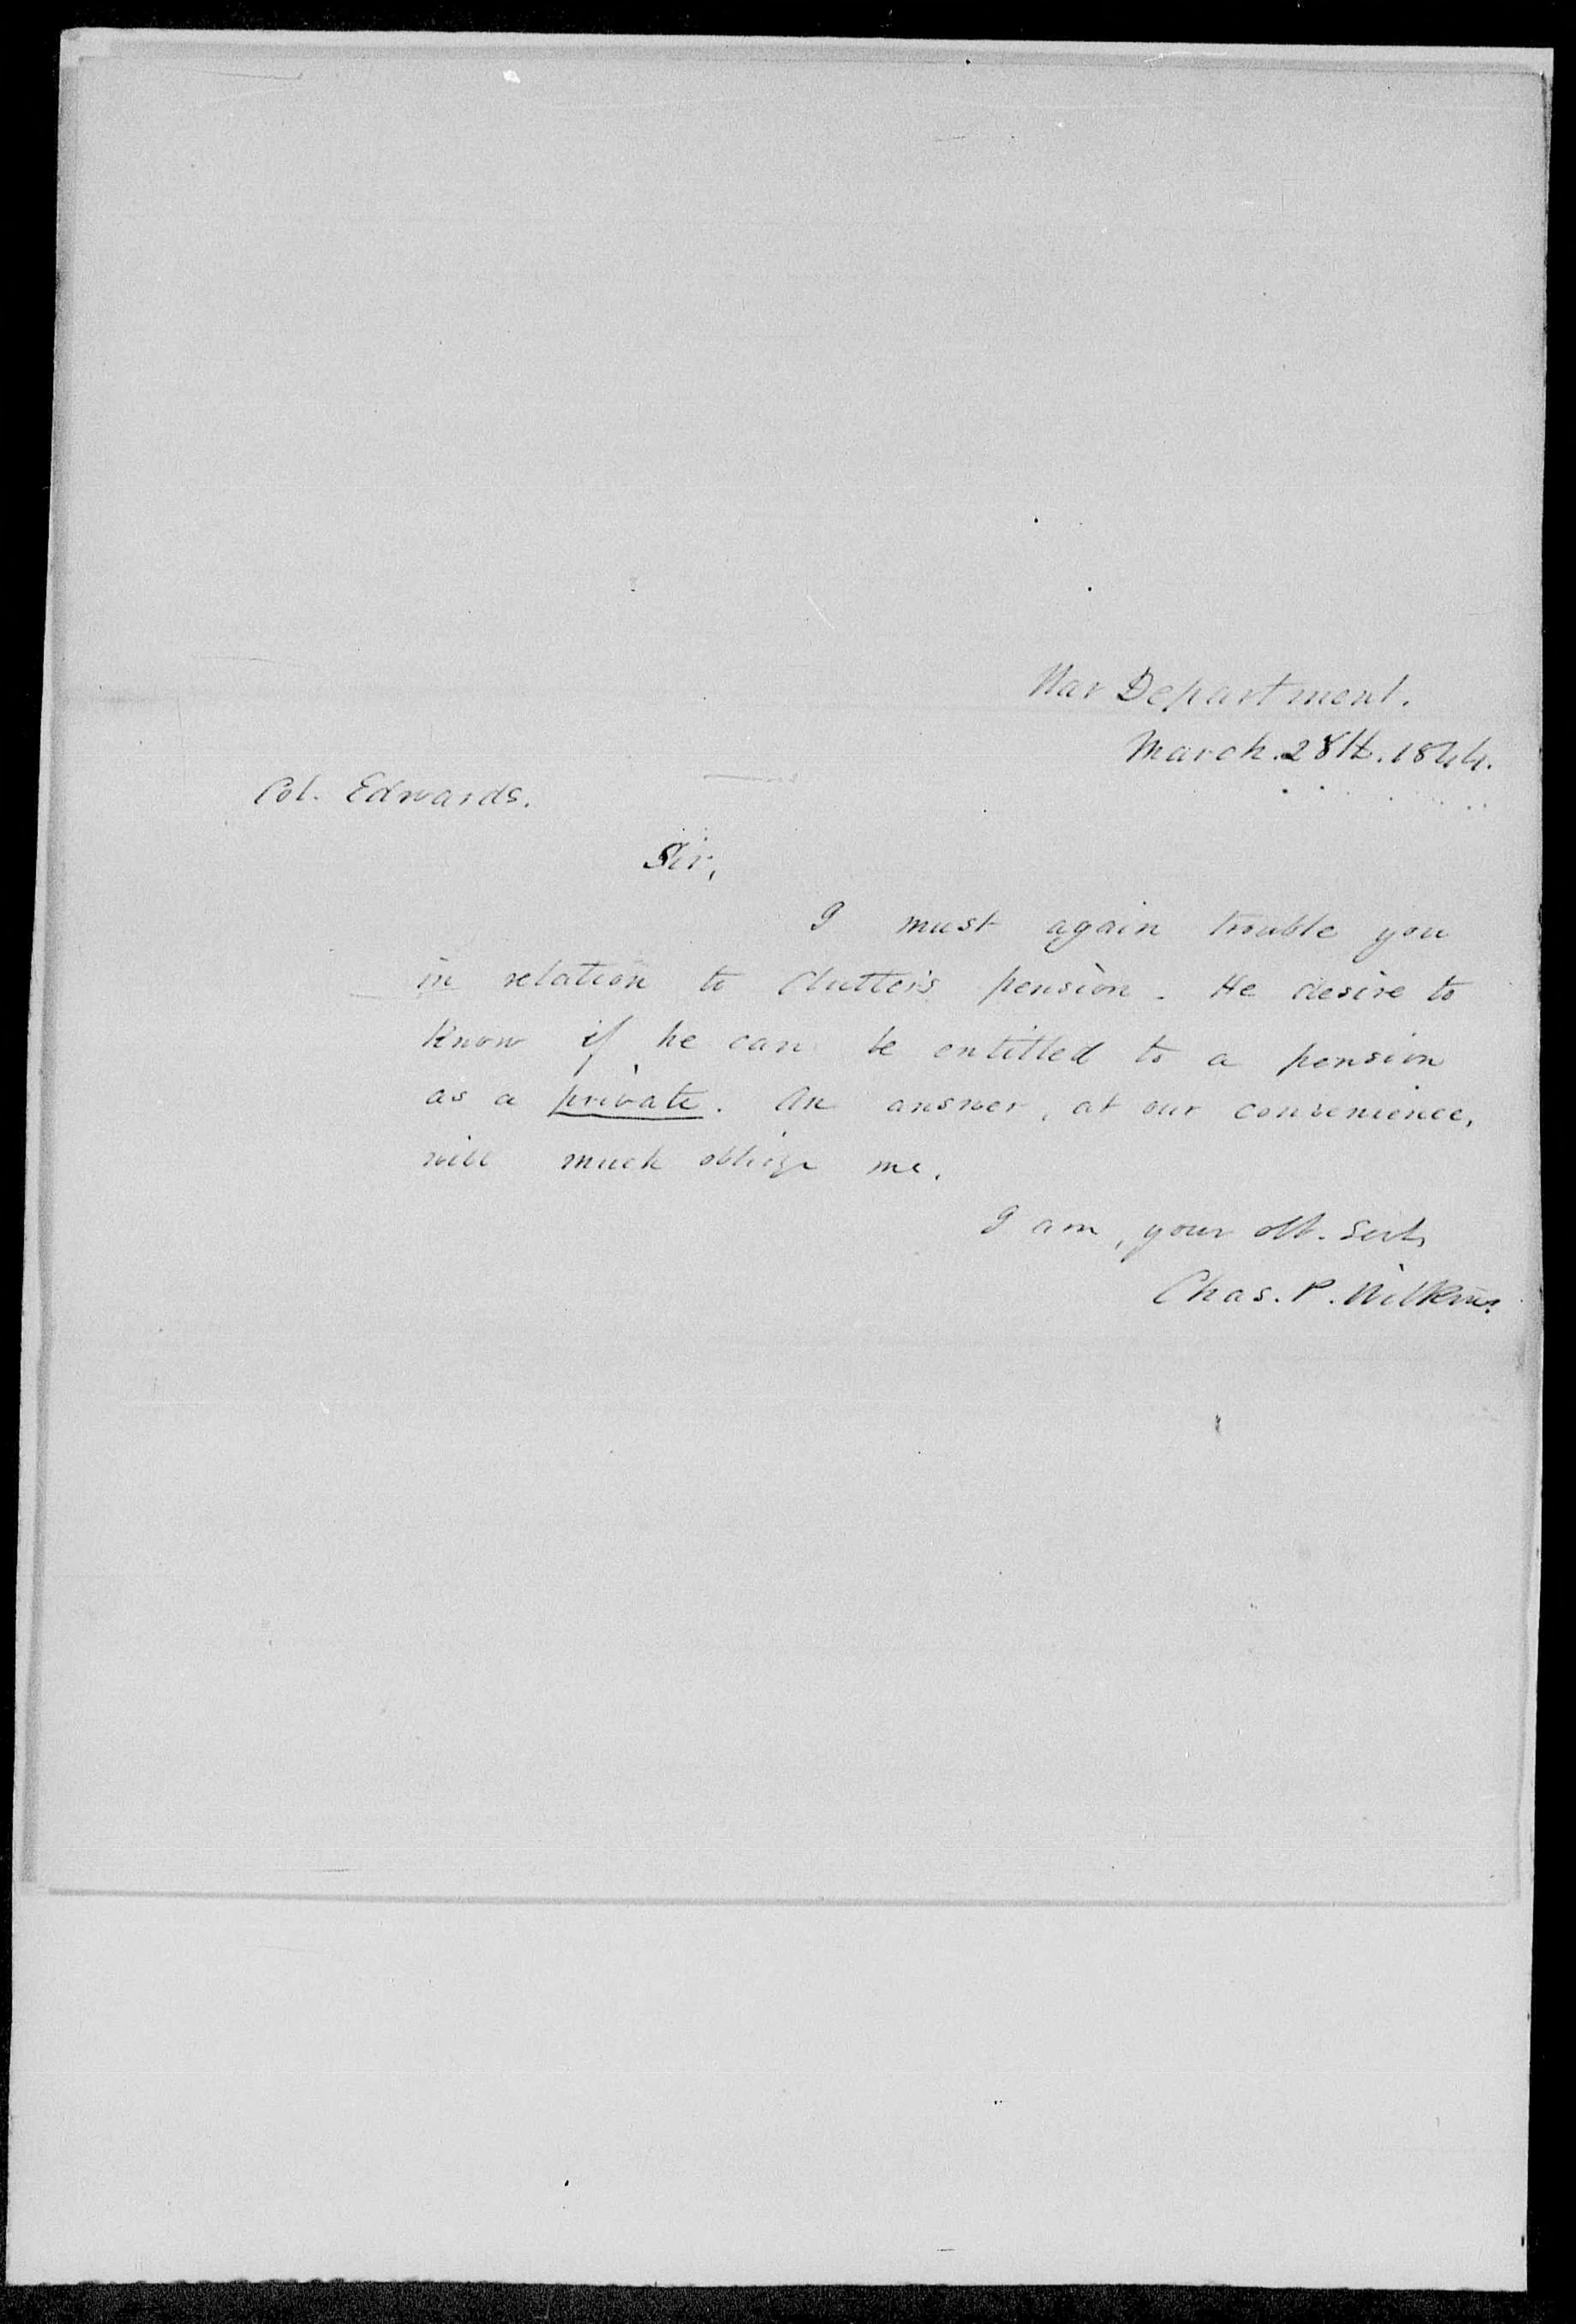War Department
March 28th 1844
Col. Edwards
Sir:
I must again trouble you in relation to Clutter's pension.  He desire to know if he can be entitled to a pension as a private.  An answer at our convenience will much oblige me.  
I am your obt sevt,
Chas P. Wilkins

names: Edwards, Chas P Wilkins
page: 20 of 35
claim: rejected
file: R. 2066, William Clutter, New Jersey